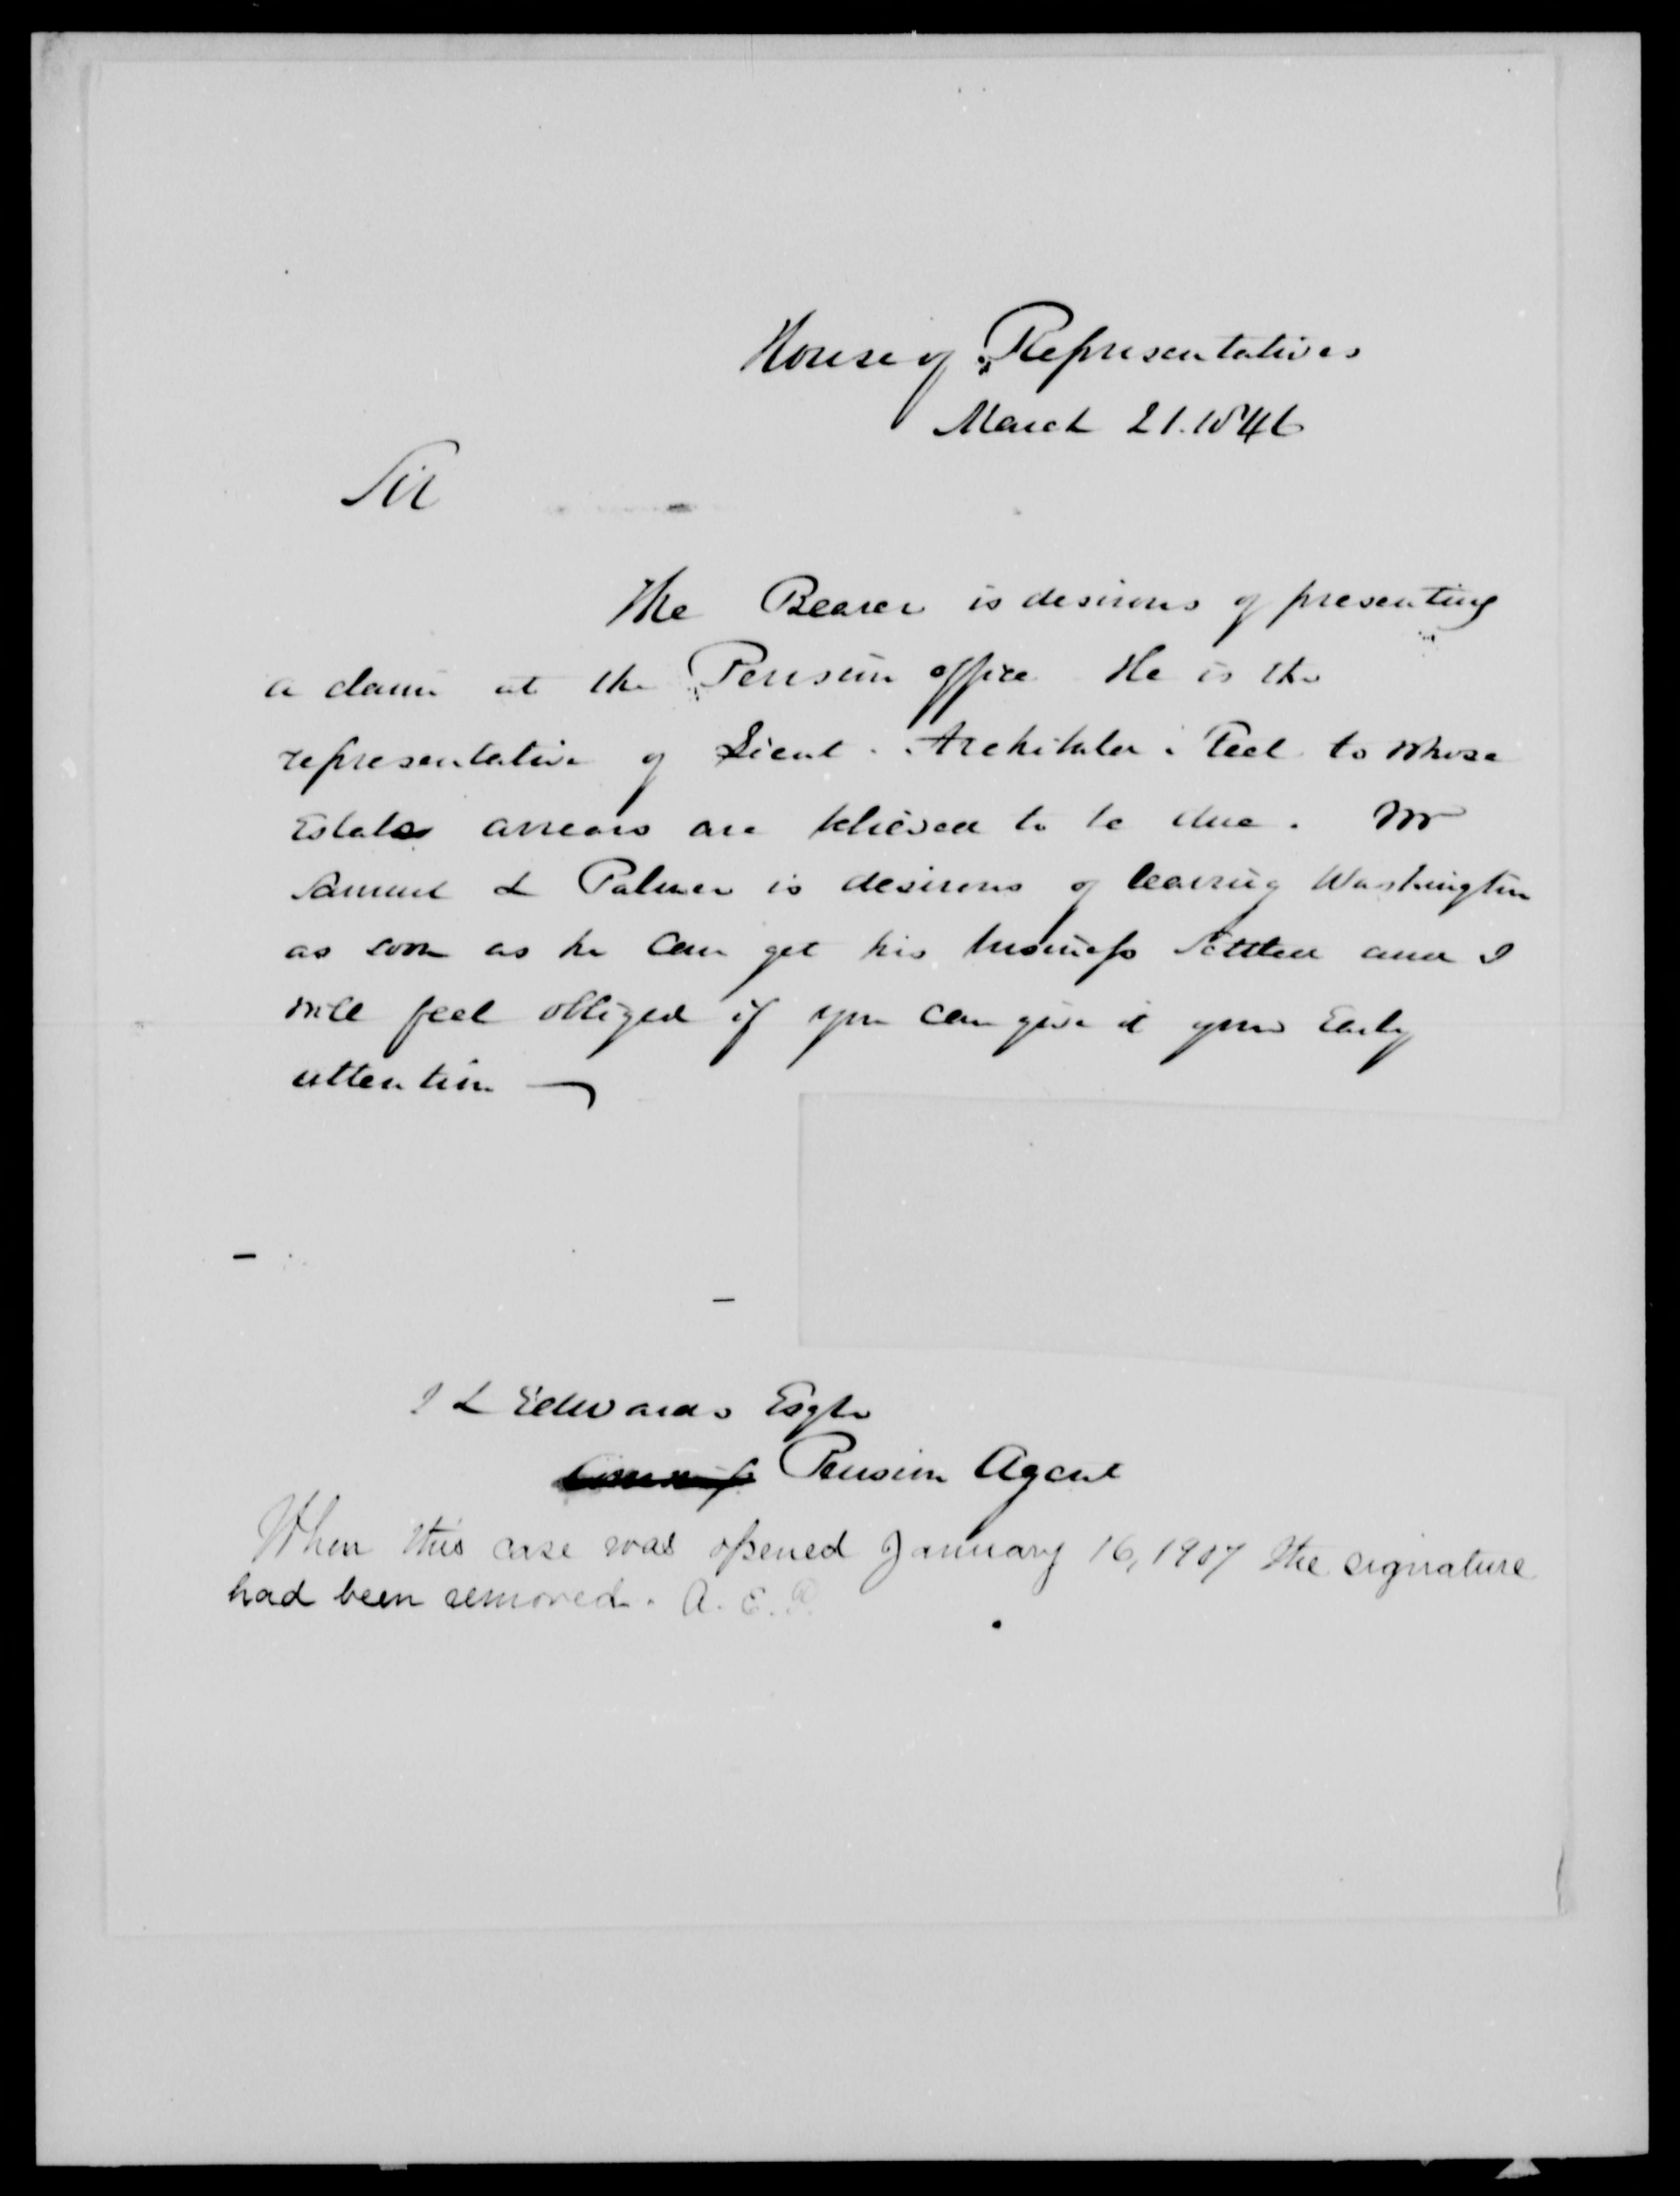House of Representatives
March 21, 1846

Sir

The Bearer is desirous of presenting a claim at the Pension office.  He is the representative of Lieutenant Archibald Steel, to whose estate arrears are believed to be due.  Mr. Samuel L Palmer is desirous of leaving Washington as soon as he can get his business settled and I only feel obliged if you can give it your early attention.

J L Edwards, Esq
Pension Agent

When this case was opened January 16, 1907, the signature had been removed.  AEP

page: 20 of 28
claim: survivor's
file: S. 7601, for Archibald Steel, Pennsylvania